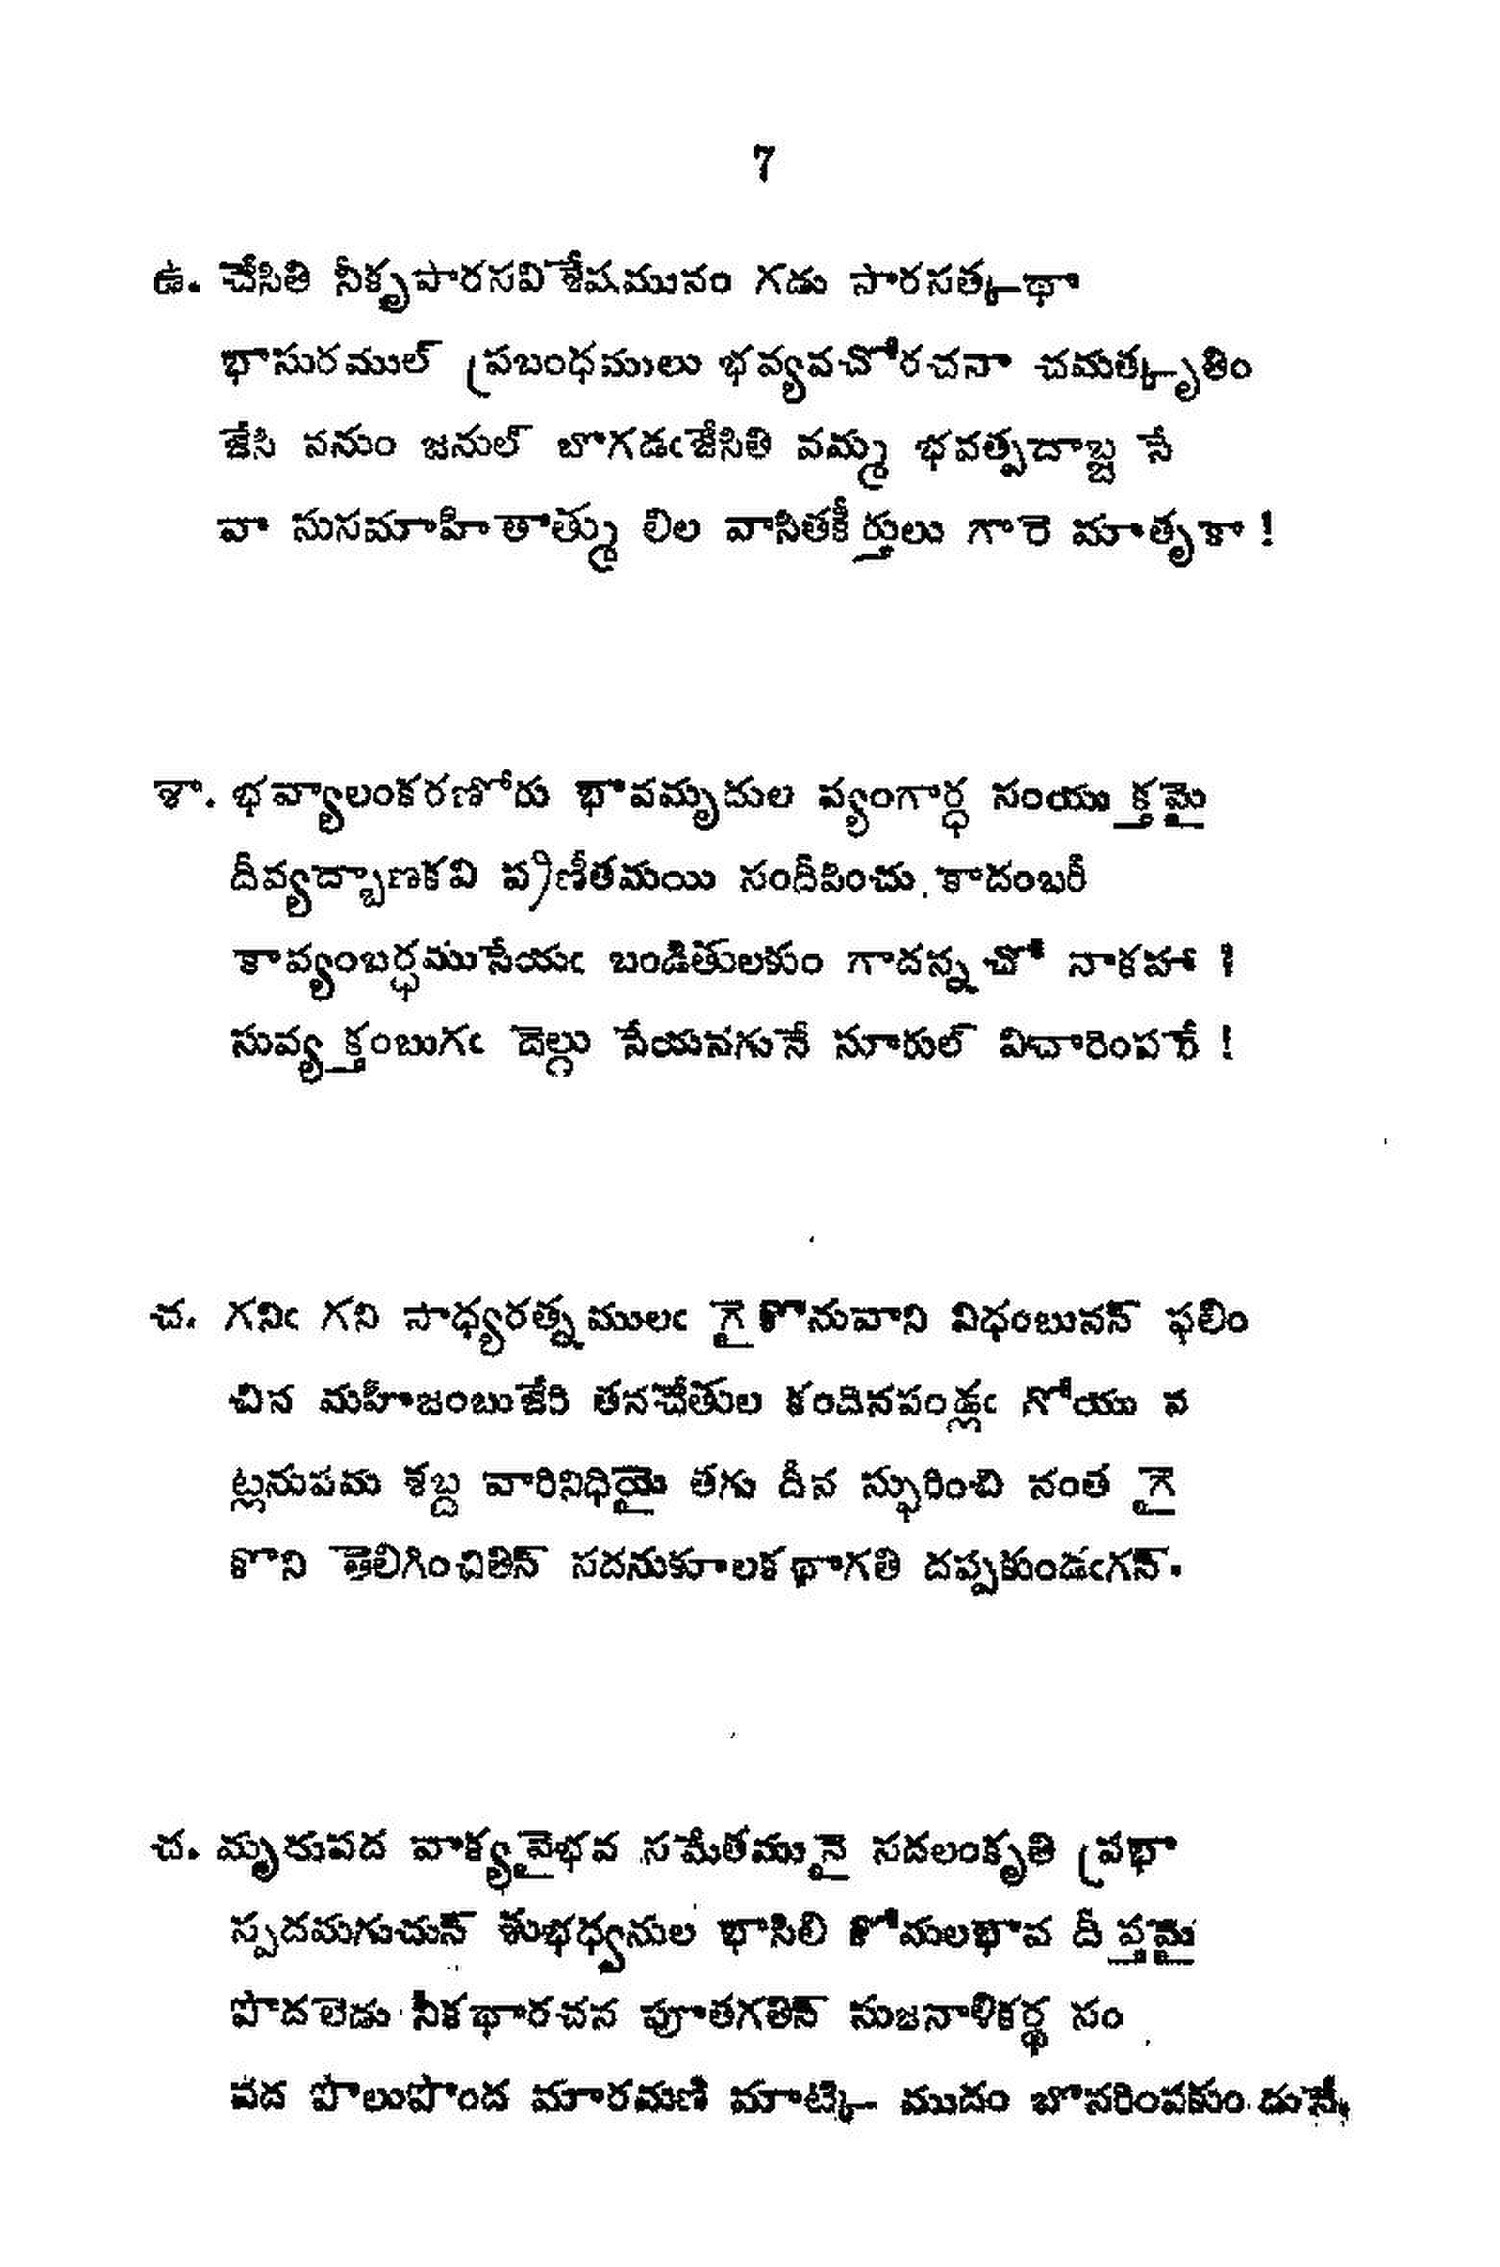ఉ. చేసితి నీకృపారసవిశేషమునం గడు సారసత్కథా
 భాసురముల్ ప్రబంధములు భవ్యవచోరచనా చమత్కృతిం
 జేసి ననుం జనుల్ బొగడఁజేసితి నమ్మ భవత్పదాబ్జ సే
 వా సుసమాహితాత్ము లిల వాసితకీర్తులు గారె మాతృకా !

శా. భవ్యాలంకరణోరు భావమృదుల వ్యంగార్ధ సంయుక్తమై
 దీవ్యద్బాణకవి ప్రణీతమయి సందీపించు కాదంబరీ
 కావ్యంబర్ధముసేయఁ బండితులకుం గాదన్న చో నాకహా ?
 సువ్యక్తంబుగఁ దెల్గు సేయనగునే సూరుల్ విచారింపరే !

చ. గనిఁ గని సాధ్యరత్నములఁ గైకొనువాని విధంబునన్ ఫలిం
 చిన మహిజంబుజేరి తనచేతుల కందినపండ్లఁ గోయు న
 ట్లనుపమ శబ్ద వారినిధియై తగు దీన స్ఫురించి నంత గై
 కొని తెలిగించితిన్ సదనుకూలకథాగతి దప్పకుండఁగన్.

చ. మృదుపద వాక్యవైభవ సమేతమునై సదలంకృతి ప్రభా
 స్పదమగుచున్ శుభధ్వనుల భాసిలి కోమలభావ దీప్తమై
 పొదలెడు నీకథారచన పూతగతిన్ సుజనాళికర్థ సం
 పద పొలుపొంద మారమణి మాట్కి ముదం బొనరింపకుం డునే.